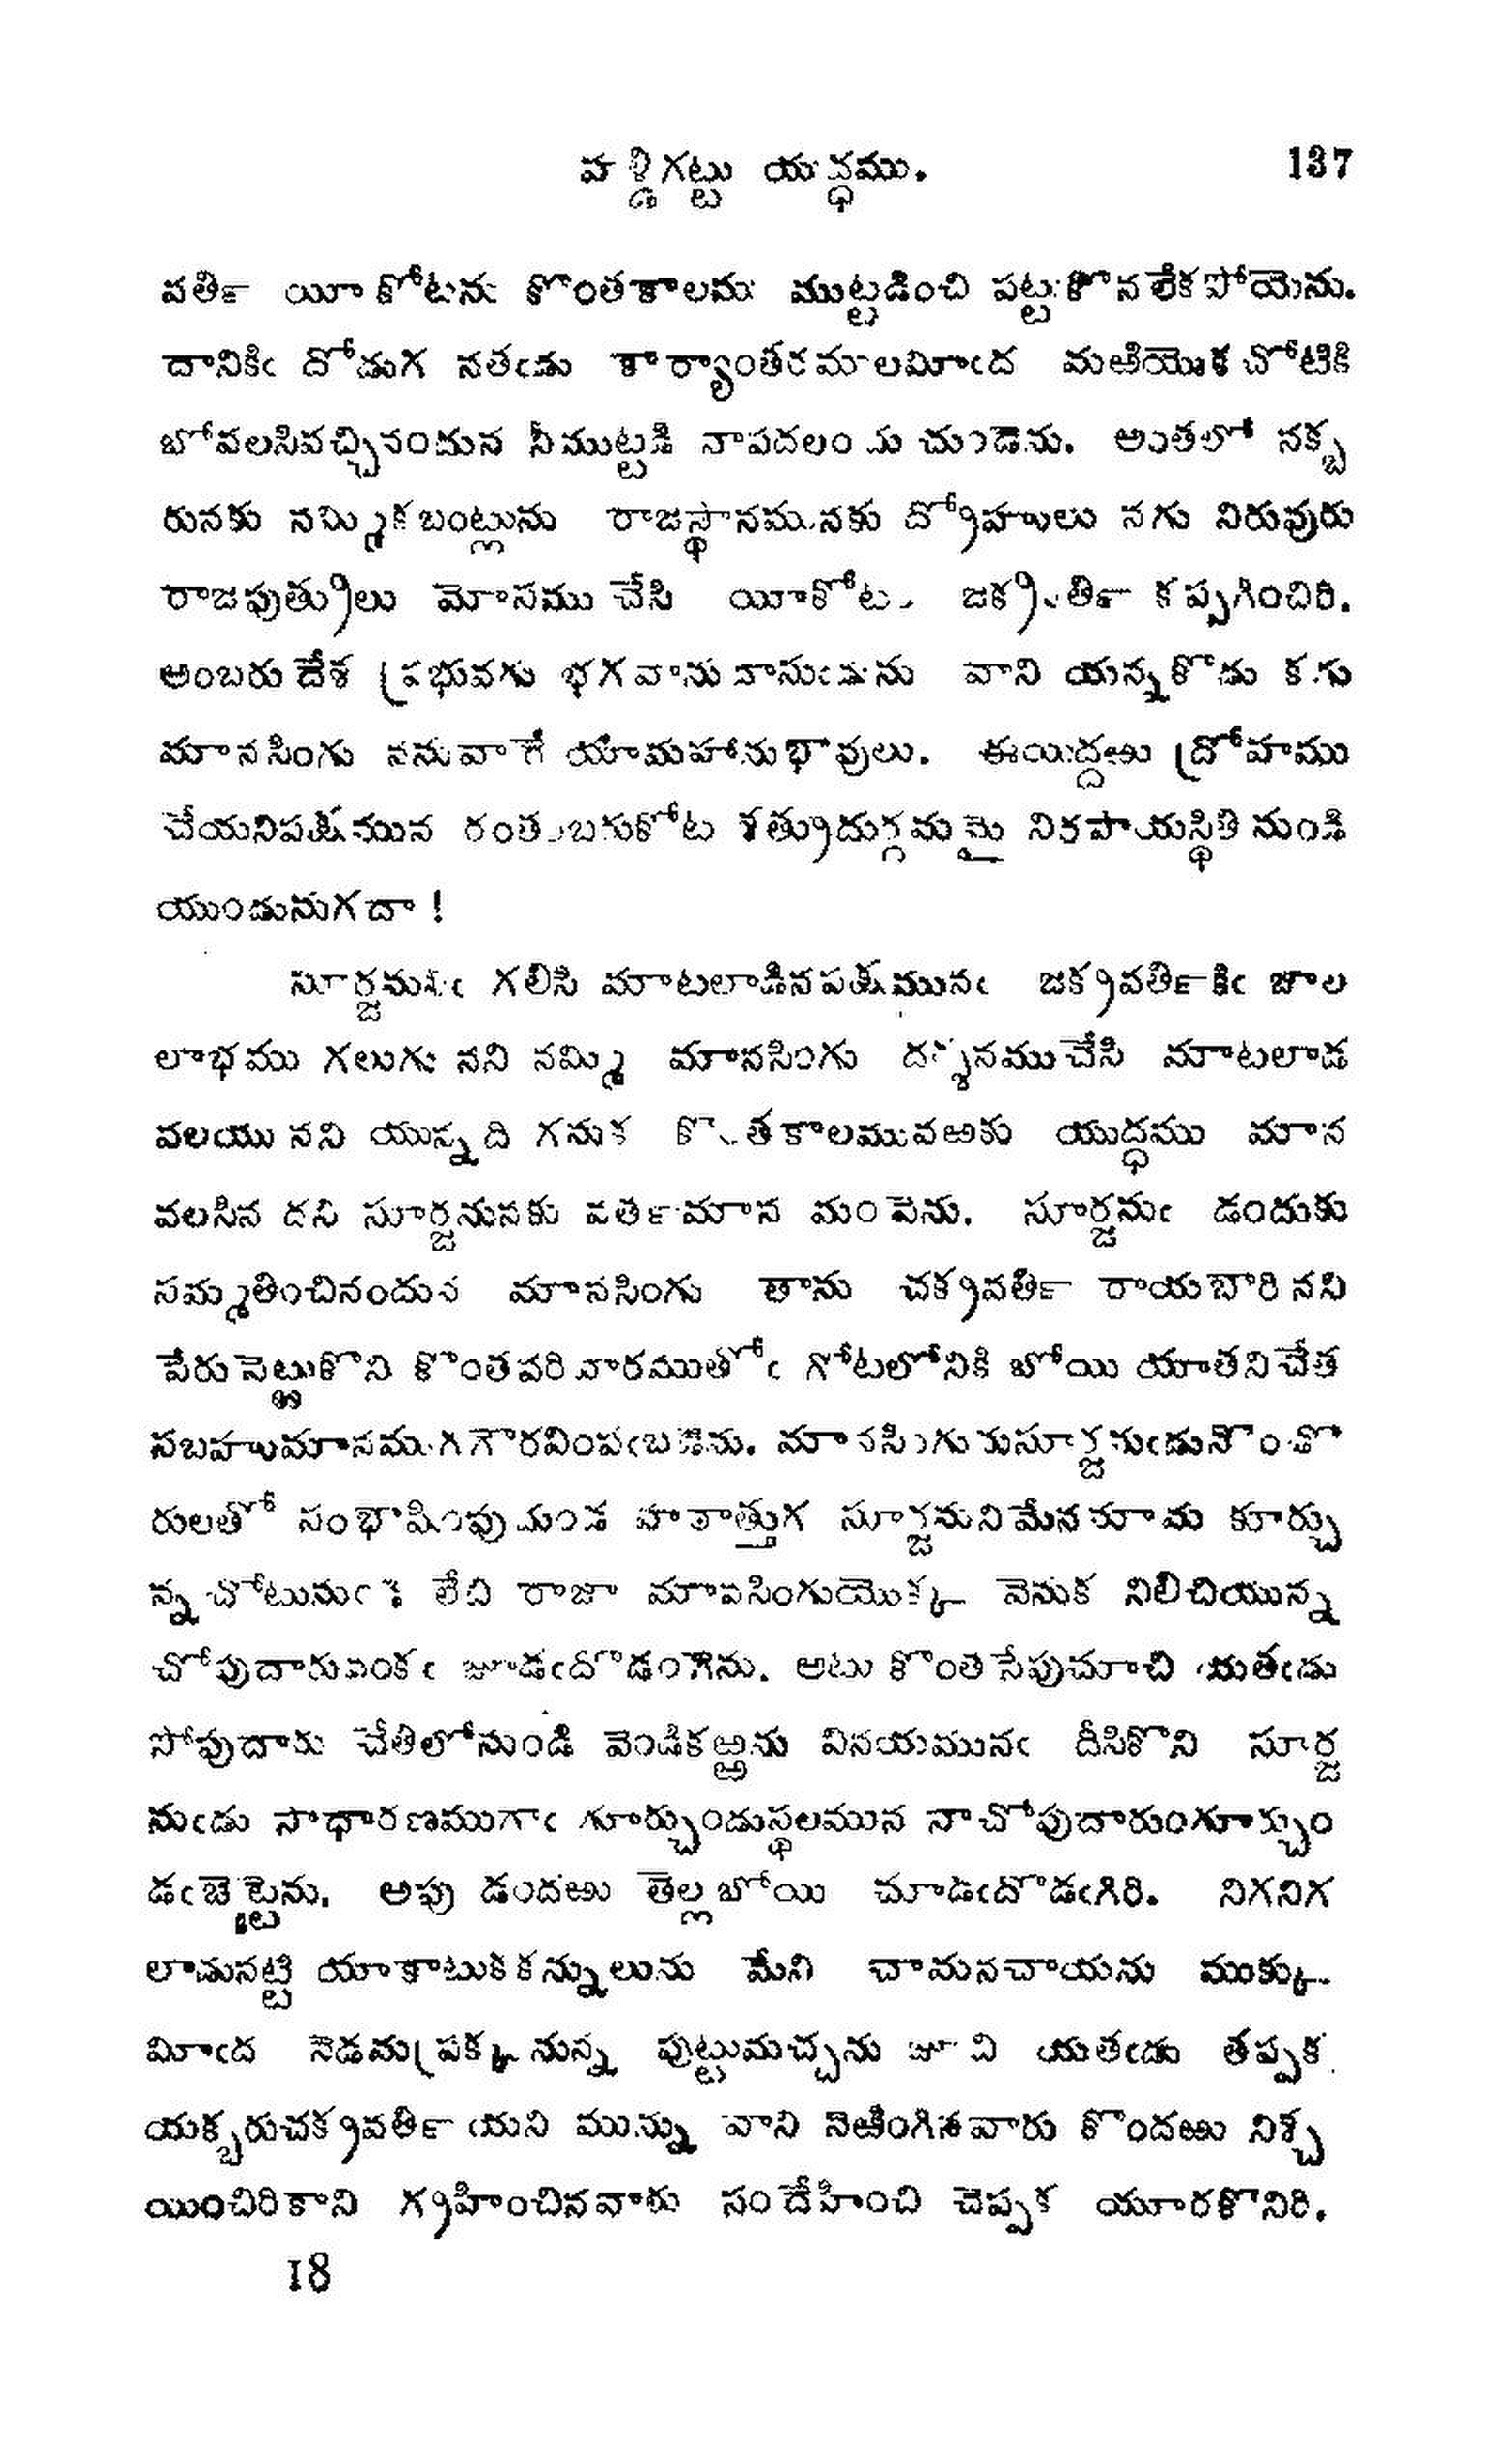వతి౯ యీ కోటను కొంత కాలము ముట్టడించి పట్టుకొనలేకపోయెను. దానికిఁ దోడుగ నతఁడు కార్యాంతరము లమీఁద మఱియొక చోటికి
బోవలసివచ్చినందున నీ ముట్టని నాప దలంచు చుండెను. అంతలో నక్బరునకు నమ్మక బంట్లును రాజస్థానమునకు ద్రోహులు నగు నిరువురు రాజపుత్రులు మోసము చేసి యీకోటం, జక్రవతి౯ కప్పగించిరి. అంబరు దేశ ప్రభువగు భగవాను దాసుఁడును వాని యన్న కొడు కగు మానసింగు నను వారే యామహానుభావులు. ఈయిద్దఱు ద్రోహము చేయనిపక్షమున రంతంబరుకోట శత్రుదుగ్గమమై నిరపాయస్థితి నుండి యుండునుగదా!

సూర్జనునిఁ గలిసి మాటలాడిన పక్షమునఁ జక్రవతి౯కి జాల లాభము గలుగు నని నమ్మి మానసింగు దర్శనము చేసి మాటలాడ వలయు నని యున్నది గనుక కొంతకాలము వఱకు యుద్ధము మానవలసిన దని సూర్జనునకు వత౯ మాన మంపెను. సూర్జనుఁ డందుకు
సమ్మతించినందున మానసింగు తాను చక్రవతి౯ రాయబారి నని పేరు పెట్టుకొని కొంత పరి వారముతోఁ గోటలోనికి బోయి యాతని చేత
సబహుమానముగ గౌరవింపఁబడెను. మానసింగును సూర్జనుఁడు నొండోరులతో సంభాషింపుచుండ హఠాత్తుగ సూర్జనుని మేనమామ కూర్చున్న చోటునుండి లేచి రాజా మానసింగు యొక్క వెనుక నిలిచియున్న చోపుదారు వంకఁ జూడఁదొడంగెను. అటు కొంతసేపు చూచి యతఁడు
సోపుదారు చేతిలో నుండి వెండికఱ్ఱను వినయమునఁ దీసికొని సూర్జనుఁడు సాధారణముగాఁ గూర్చుండుస్థలమున నాచోపుదారుంగూర్చుం
డఁబెట్టెను. అపు డందఱు తెల్లబోయి చూడఁ దొడఁగిరి. నిగనిగ లాచునట్టి యాకాటుక కన్నులును మేని చామనచాయను ముక్కు, మీఁద నెడమ పక్క నున్న పుట్టుమచ్చను జూచి యతఁడు తప్పక యక్బరుచక్రవతి౯యని మున్ను వాని నెఱింగిన వారు కొందఱు నిశ్చయించిరి కాని గ్రహించిన వారు సందేహించి చెప్పక యూరకొనిరి.